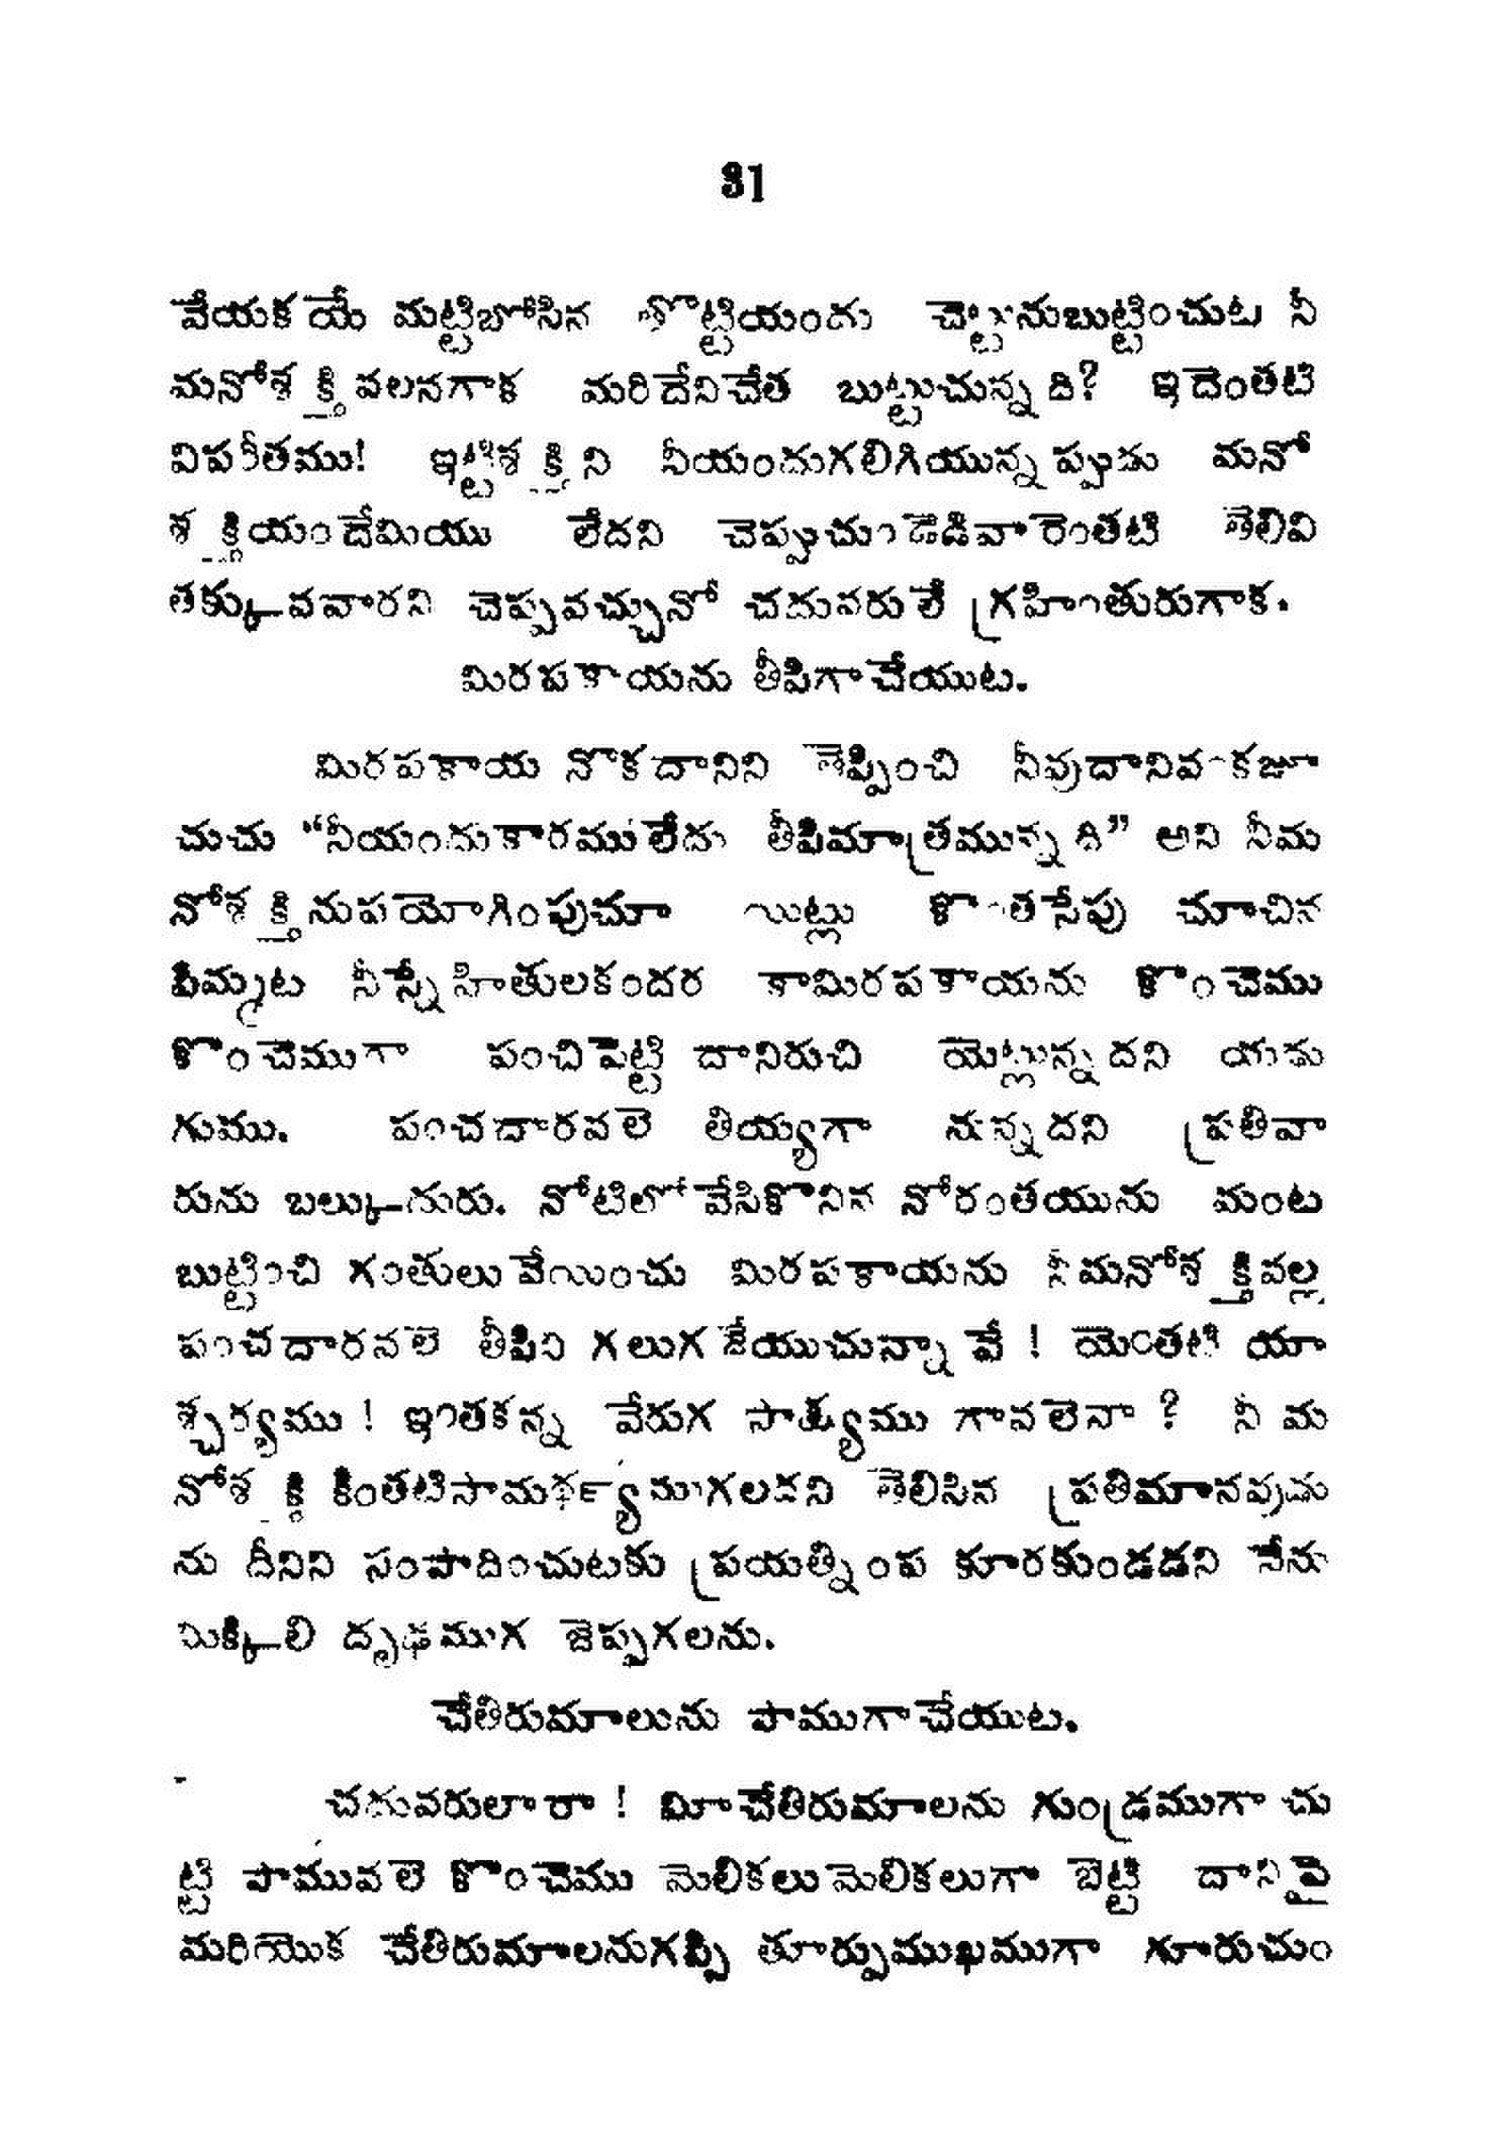వేయకయే మట్టిబోసిన కొట్టియందు చెట్టునుబుట్టించుట నీమనోశక్తివలనగాక మరిదేనిచేత బుట్టుచున్నది? ఇదెంతటి విపరీతము! ఇట్టిశక్తిని నీయందుగలిగియున్నప్పుడు మనోశక్తియందేమియు 
లేదని చెప్పుచుండెడివారెంతటి తెలివితక్కువవారని చెప్పవచ్చునో చదువరులే గ్రహింతురుగాక .

మిరపకాయ నొకదానిని తెప్పించి నీవుదానివంకజూచుచు “నీయందుకారములేదు తీపిమాత్రమున్నది” అని నీమనోశక్తినుపయోగింపుచూ యిట్లు కొంతసేపు చూచిన పిమ్మట నీస్నేహితులకందర కామిరపకాయను కొంచెము కొంచెముగా పంచిపెట్టి దానిరుచి యెట్లున్నదని
యడుగుము. పంచదారవలె తియ్యగా నున్నదని ప్రతివారును బల్కుదురు. నోటిలో వేసికొనిన నోరంతయును మంట బుట్టించి గంతులు వేయించు మిరపకాయను నీమనోశక్తివల్ల పంచదారవలె తీపిని గలుగచేయుచున్నా వే ! యెంతటి యాశ్చర్యము ! ఇంతకన్న వేరుగ సాక్ష్యము గావలెనా ? నీ మనోశక్తి కింతటి సామథ్ర్యముగలదని తెలిసిన ప్రతిమానవుడును దీనిని సంపాదించుటకు ప్రయత్నింప కూరకుండడని నేను మిక్కిలి దృఢముగ జెష్పగలను.

చదువరులారా ! మీచేతిరుమాలను గుండ్రముగా చుట్టి పామువలె కొంచెము మెలికలు మెలికలుగా బెట్టి దానిపై మరియొక చేతిరుమాలనుగప్పి తూర్పుముఖముగా గూరుచుం